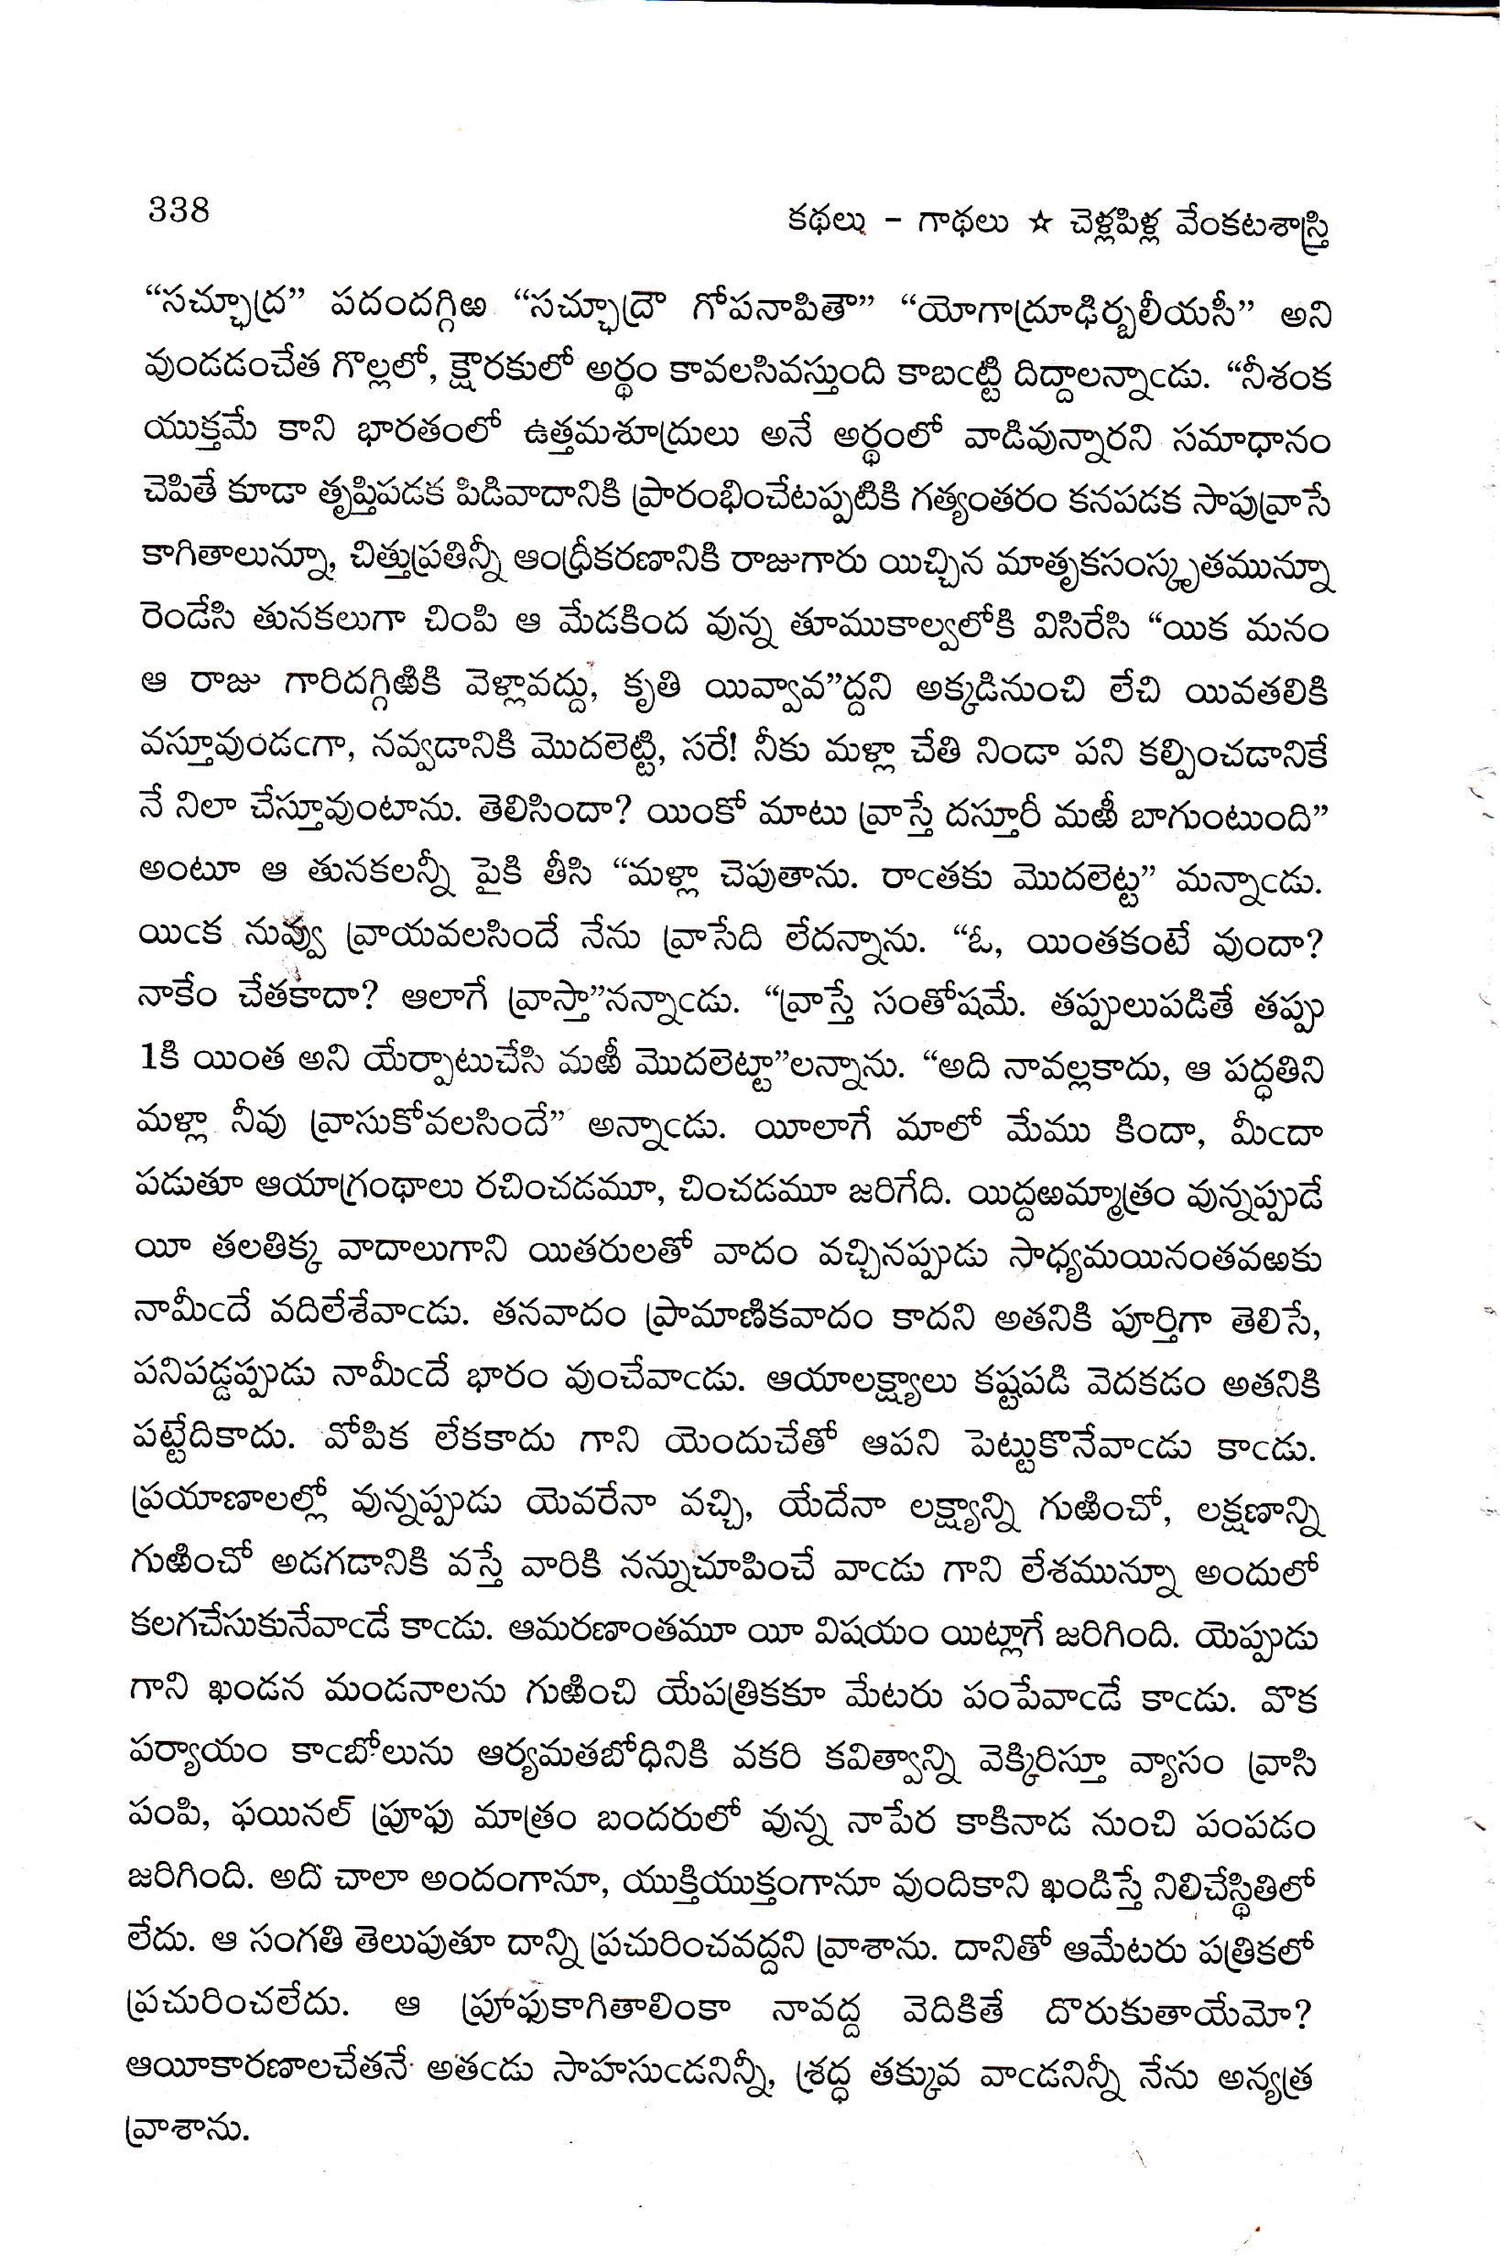“సచ్ఛూద్ర" పదందగ్గిఱ “సచ్ఛూద్రౌ గోపనాపితౌ” “యోగాద్రూఢిర్బలీయసీ" అని వుండడంచేత గొల్లలో, క్షౌరకులో అర్థం కావలసివస్తుంది కాబఁట్టి దిద్దాలన్నాఁడు. “నీశంక యుక్తమే కాని భారతంలో ఉత్తమశూద్రులు అనే అర్థంలో వాడివున్నారని సమాధానం చెపితే కూడా తృప్తిపడక పిడివాదానికి ప్రారంభించేటప్పటికి గత్యంతరం కనపడక సాపువ్రాసే కాగితాలున్నూ, చిత్తుప్రతిన్నీ ఆంద్రీకరణానికి రాజుగారు యిచ్చిన మాతృకసంస్కృతమున్నూ రెండేసి తునకలుగా చింపి ఆ మేడకింద వున్న తూముకాల్వలోకి విసిరేసి “యిక మనం ఆ రాజు గారిదగ్గిఱికి వెళ్లావద్దు, కృతి యివ్వావ"ద్దని అక్కడినుంచి లేచి యివతలికి వస్తూవుండఁగా, నవ్వడానికి మొదలెట్టి, సరే! నీకు మళ్లా చేతి నిండా పని కల్పించడానికే నే నిలా చేస్తూవుంటాను. తెలిసిందా? యింకో మాటు వ్రాస్తే దస్తూరీ మఱీ బాగుంటుంది" అంటూ ఆ తునకలన్నీ పైకి తీసి "మళ్లా చెపుతాను. రాఁతకు మొదలెట్ట" మన్నాఁడు. యిఁక నువ్వు వ్రాయవలసిందే నేను వ్రాసేది లేదన్నాను. “ఓ, యింతకంటే వుందా? నాకేం చేతకాదా? ఆలాగే వ్రాస్తా"నన్నాఁడు. "వ్రాస్తే సంతోషమే. తప్పులుపడితే తప్పు 1కి యింత అని యేర్పాటుచేసి మఱీ మొదలెట్టా"లన్నాను. "అది నావల్లకాదు, ఆ పద్ధతిని మళ్లా నీవు వ్రాసుకోవలసిందే" అన్నాఁడు. యీలాగే మాలో మేము కిందా, మీఁదా పడుతూ ఆయాగ్రంథాలు రచించడమూ, చించడమూ జరిగేది. యిద్దఱమ్మాత్రం వున్నప్పుడే యీ తలతిక్క వాదాలుగాని యితరులతో వాదం వచ్చినప్పుడు సాధ్యమయినంతవఱకు నామీఁదే వదిలేశేవాఁడు. తనవాదం ప్రామాణికవాదం కాదని అతనికి పూర్తిగా తెలిసే, పనిపడ్డప్పుడు నామీఁదే భారం వుంచేవాఁడు. ఆయాలక్ష్యాలు కష్టపడి వెదకడం అతనికి పట్టేదికాదు. వోపిక లేకకాదు గాని యెందుచేతో ఆపని పెట్టుకొనేవాఁడు కాఁడు. ప్రయాణాలల్లో వున్నప్పుడు యెవరేనా వచ్చి, యేదేనా లక్ష్యాన్ని గుఱించో, లక్షణాన్ని గుఱించో అడగడానికి వస్తే వారికి నన్నుచూపించే వాఁడు గాని లేశమున్నూ అందులో కలగచేసుకునేవాఁడే కాఁడు. ఆమరణాంతమూ యీ విషయం యిట్లాగే జరిగింది. యెప్పుడు గాని ఖండన మండనాలను గుఱించి యేపత్రికకూ మేటరు పంపేవాఁడే కాఁడు. వొక పర్యాయం కాఁబోలును ఆర్యమతబోధినికి వకరి కవిత్వాన్ని వెక్కిరిస్తూ వ్యాసం వ్రాసి పంపి, ఫయినల్ ప్రూఫు మాత్రం బందరులో వున్న నాపేర కాకినాడ నుంచి పంపడం జరిగింది. అది చాలా అందంగానూ, యుక్తియుక్తంగానూ వుందికాని ఖండిస్తే నిలిచేస్థితిలో లేదు. ఆ సంగతి తెలుపుతూ దాన్ని ప్రచురించవద్దని వ్రాశాను. దానితో ఆమేటరు పత్రికలో ప్రచురించలేదు. ఆ ప్రూఫుకాగితాలింకా నావద్ద వెదికితే దొరుకుతాయేమో? ఆయీకారణాలచేతనే అతఁడు సాహసుఁడనిన్నీ శ్రద్ధ తక్కువ వాఁడనిన్నీ నేను అన్యత్ర వ్రాశాను.